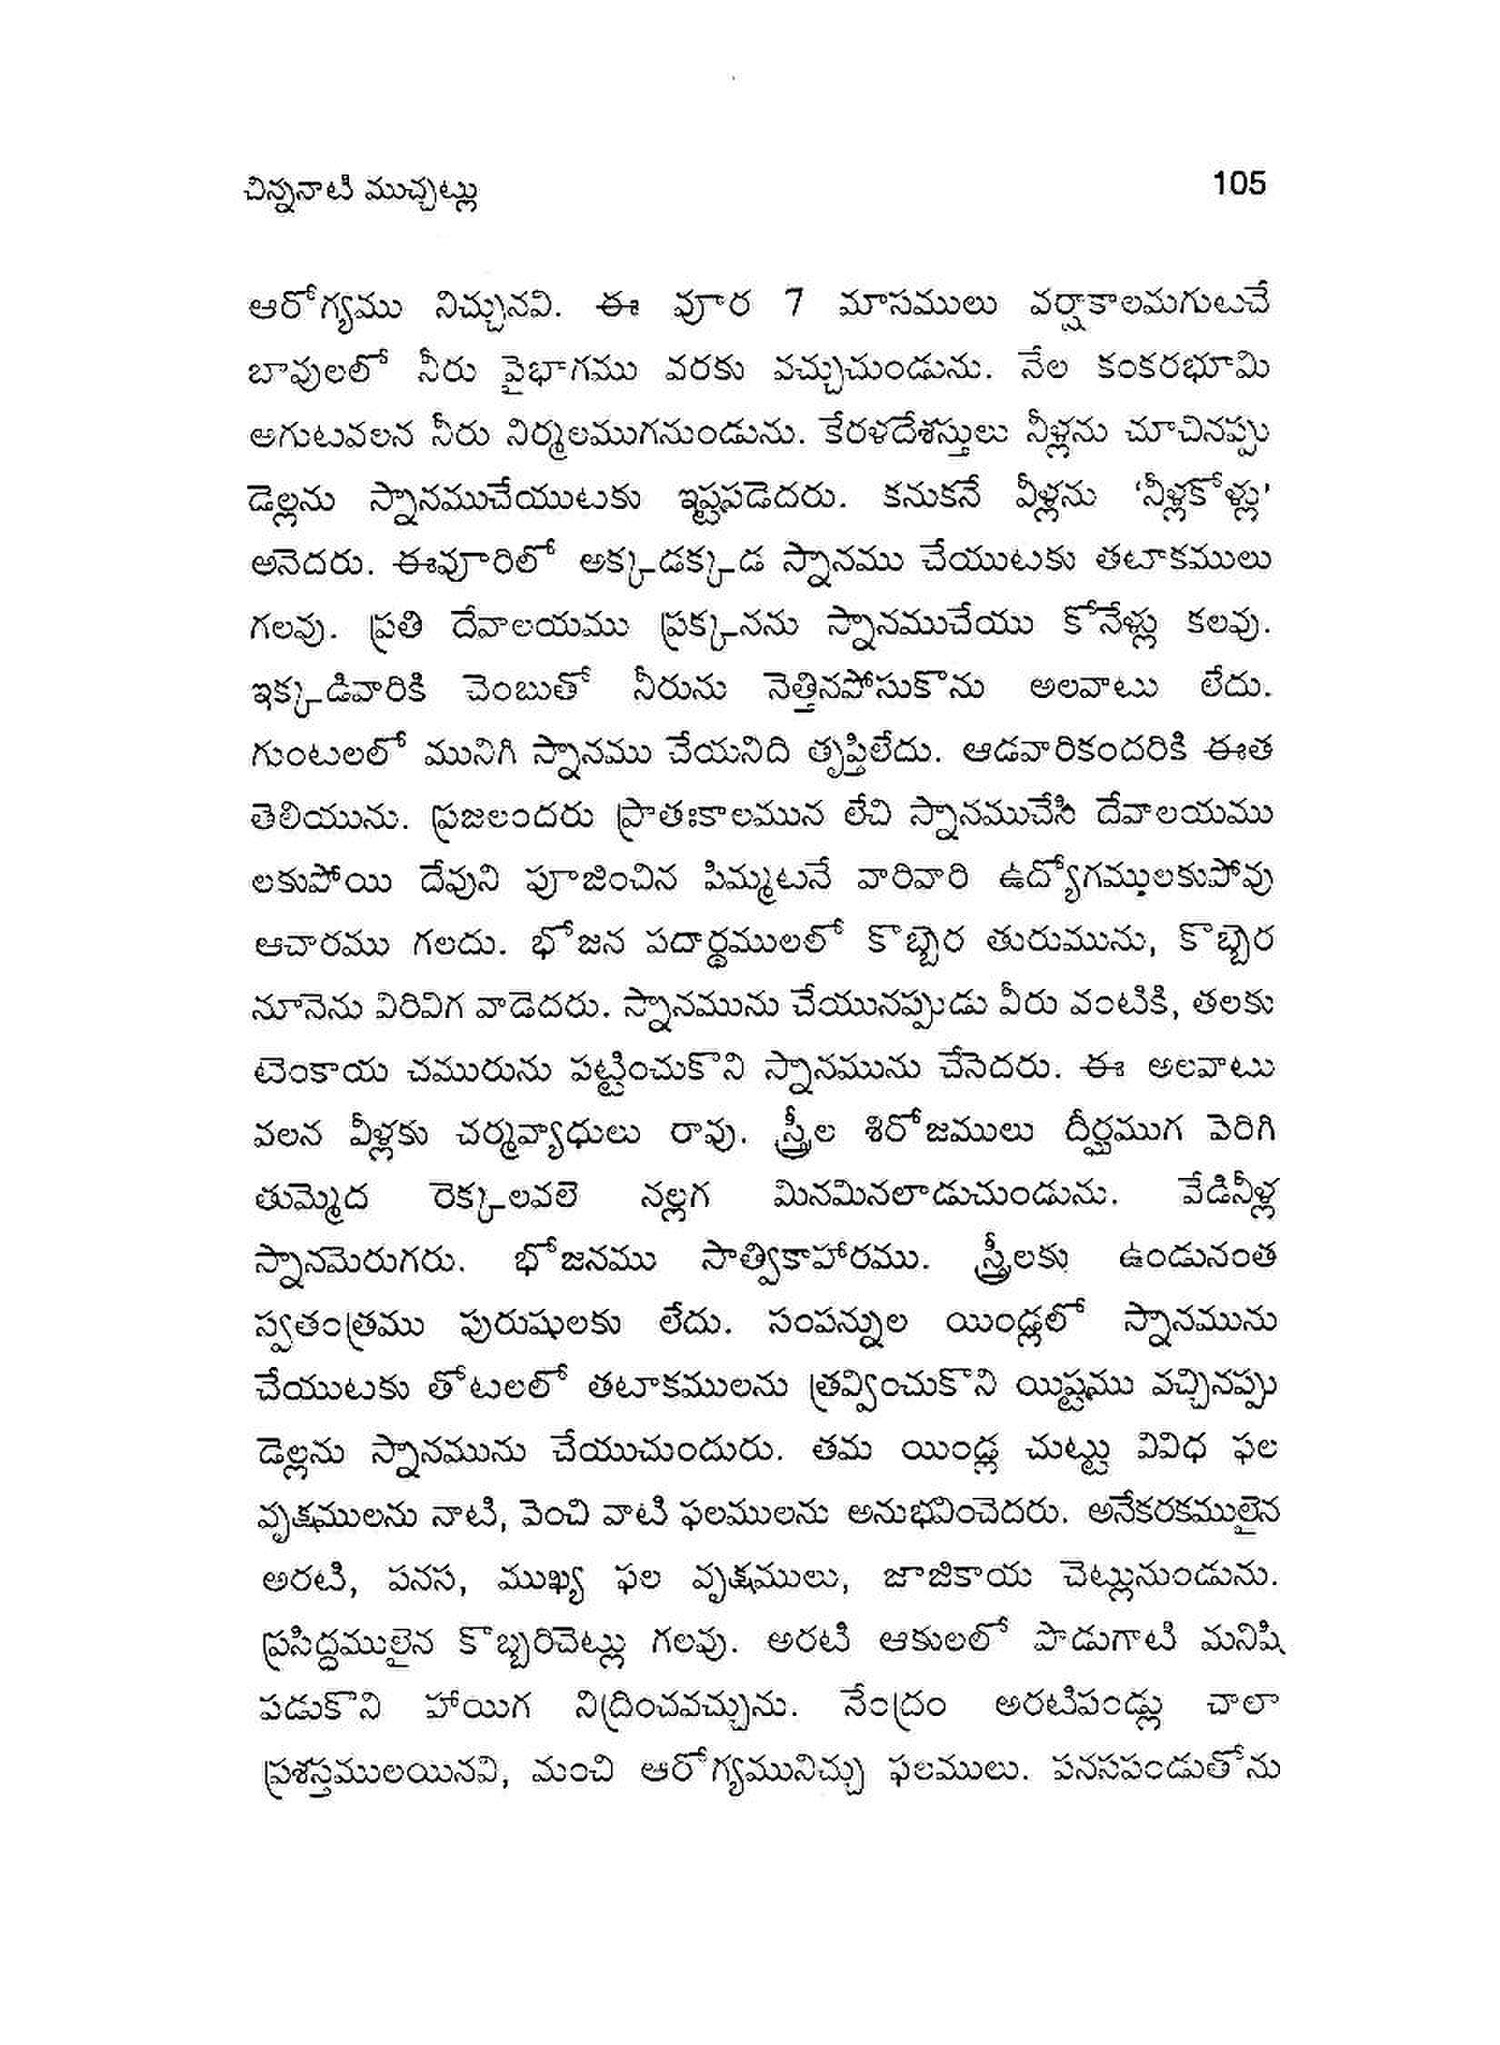ఆరోగ్యము నిచ్చునవి. ఈ వూర 7 మాసములు వర్షాకాలమగుటచే బావులలో నీరు పైభాగము వరకు వచ్చుచుండును. నేల కంకరభూమి అగుటవలన నీరు నిర్మలముగనుండును. కేరళదేశస్తులు నీళ్లను చూచినప్పుడెల్లను స్నానముచేయుటకు ఇష్టపడెదరు. కనుకనే వీళ్లను 'నీళ్లకోళ్లు' అనెదరు. ఈవూరిలో అక్కడక్కడ స్నానము చేయుటకు తటాకములు గలవు. ప్రతి దేవాలయము ప్రక్కనను స్నానముచేయు కోనేళ్లు కలవు. ఇక్కడివారికి చెంబుతో నీరును నెత్తినపోసుకొను అలవాటు లేదు. గుంటలలో మునిగి స్నానము చేయనిది తృప్తిలేదు. ఆడవారికందరికి ఈత తెలియును. ప్రజలందరు ప్రాతఃకాలమున లేచి స్నానముచేసి దేవాలయములకుపోయి దేవుని పూజించిన పిమ్మటనే వారివారి ఉద్యోగములకుపోవు ఆచారము గలదు. భోజన పదార్ధములలో కొబ్బెర తురుమును, కొబ్బెర నూనెను విరివిగ వాడెదరు. స్నానమును చేయునప్పుడు వీరు వంటికి, తలకు టెంకాయ చమురును పట్టించుకొని స్నానమును చేసెదరు. ఈ అలవాటు వలన వీళ్లకు చర్మవ్యాధులు రావు. స్త్రీల శిరోజములు దీర్ఘముగ వెరిగి తుమ్మెద రెక్కలవలె నల్లగ మిసమిసలాడుచుండును. వేడినీళ్ల స్నానమెరుగరు. భోజనము సాత్వికాహారము. స్త్రీలకు ఉండునంత స్వతంత్రము పురుషులకు లేదు. సంపన్నుల యిండ్లలో స్నానమును చేయుటకు తోటలలో తటాకములను త్రవ్వించుకొని యిష్టము వచ్చినప్పుడెల్లను స్నానమును చేయుచుందురు. తమ యిండ్ల చుట్టు వివిధ ఫల వృక్షములను నాటి, పెంచి వాటి ఫలములను అనుభవించెదరు. అనేకరకములైన అరటి, పనస, ముఖ్య ఫల వృక్షములు, జాజికాయ చెట్లునుండును. ప్రసిద్ధములైన కొబ్బరిచెట్లు గలవు. అరటి ఆకులలో పొడుగాటి మనిషి పడుకొని హాయిగ నిద్రించవచ్చును. నేంద్రం అరటిపండ్లు చాలా ప్రశస్తములయినవి, మంచి ఆరోగ్యమునిచ్చు ఫలములు. పనసపండుతోను